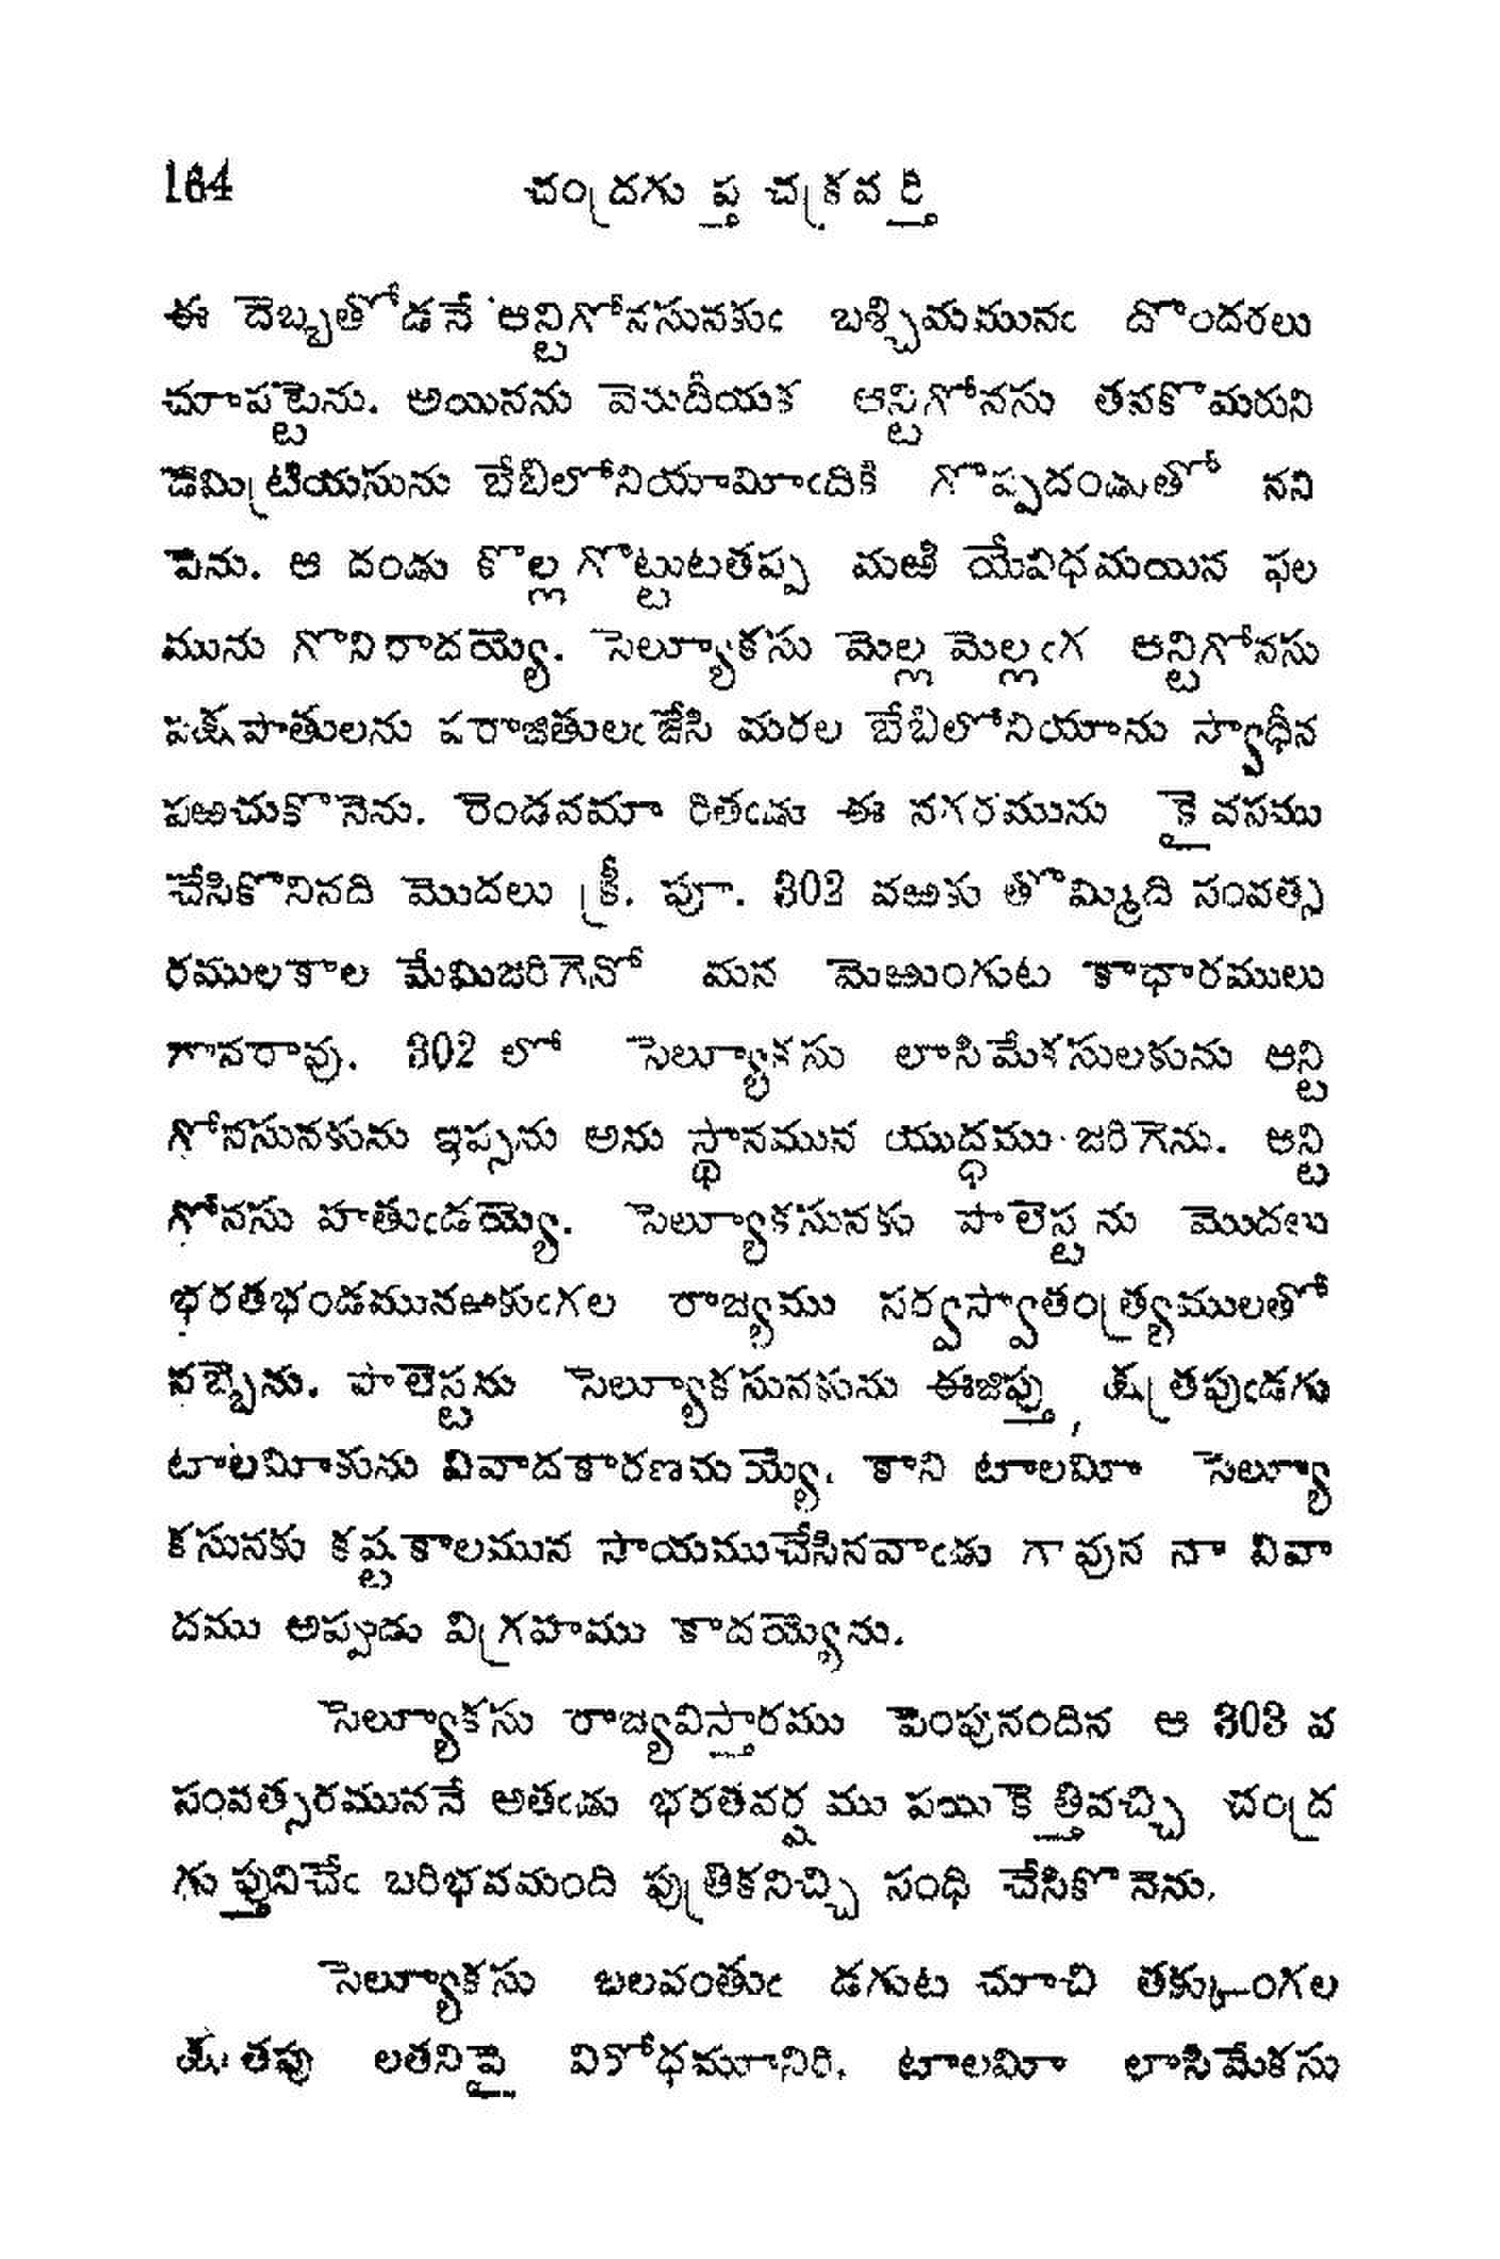ఈ దెబ్బతోడనే ఆన్టిగోనసునకుఁ బశ్చిమమునఁ దొందరలు చూపట్టెను. అయినను వెనుదీయక ఆన్టిగోనసు తనకొమరుని డెమిట్రియసును బేబిలోనియామీఁదికి గొప్పదండుతో నని పెను. ఆ దండు కొల్ల గొట్టుటతప్ప మఱి యేవిధమయిన ఫలమును గొనిరాదయ్యె. సెల్యూకసు మెల్ల మెల్లఁగ ఆన్టిగోనసు పక్షపాతులను పరాజితులఁ జేసి మరల బేబిలోనియాను స్వాధీన పఱచుకొనెను. రెండవమా రితఁడు ఈ నగరమును కైవసము చేసికొనినది మొదలు క్రీ. పూ. 302 వఱకు తొమ్మిది సంవత్సరములకాల మేమిజరిగెనో మన మెఱుంగుట కాధారములు గానరావు. 302 లో సెల్యూకసు లాసిమేకసులకును ఆన్టిగోనసునకును ఇప్సను అను స్థానమున యుద్ధము జరిగెను. అన్టిగోనసు హతుఁడయ్యె. సెల్యూకసునకు పాలెస్టను మొదలు భరతభండమువఱకుఁగల రాజ్యము సర్వస్వాతంత్ర్యములతో నబ్బెను. పాలెస్టను సెల్యూకసునకును ఈజిప్తు క్షత్రపుఁడగు టాలమీకును వివాదకారణమయ్యే. కాని టాలమీ సెల్యూకసునకు కష్ట కాలమున సాయము చేసినవాఁడు గావున నా వివాదము అప్పుడు విగ్రహము కాదయ్యెను.

సెల్యూకసు రాజ్యవిస్తారము పెంపునందిన ఆ 303 వ సంవత్సరముననే అతఁడు భరతవర్షము పయికెత్తివచ్చి చంద్రగుప్తునిచేఁ బరిభవమంది పుత్రికనిచ్చి సంధి చేసికొనెను,

సెల్యూకసు బలవంతుఁ డగుట చూచి తక్కుగల క్షత్రపు లతనిపై విరోధమూనిరి. టాలమీ లాసి మేకసు